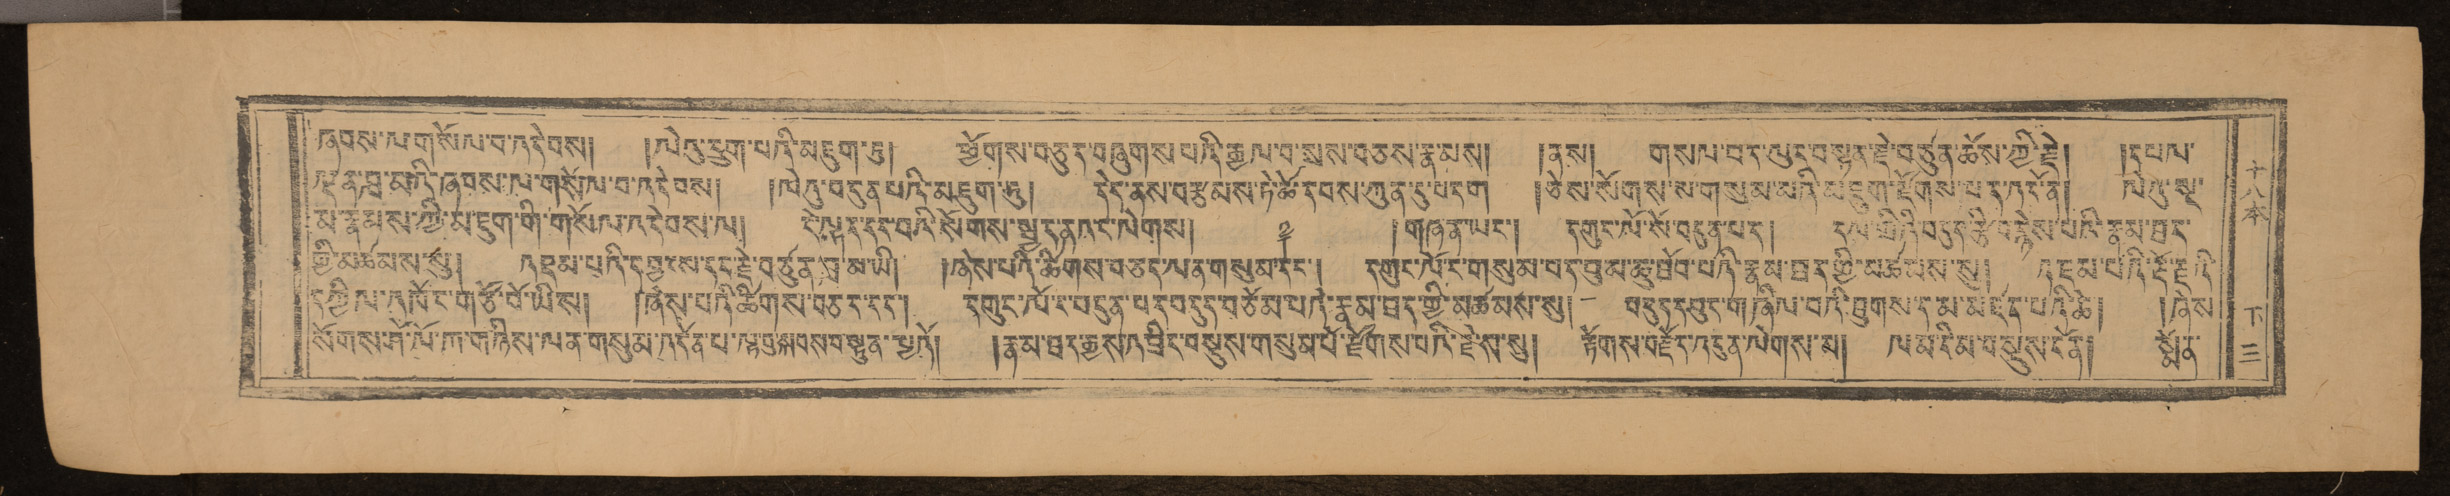ཞབས་ལ་གསོལ་བ་འདེབས། །ལེའུ་དྲུག་པའི་མཇུག་ཏུ། ཕྱོགས་བཅུར་བཞུགས་པའི་རྒྱལ་བསྲས་བཅས་རྣམས། །ནས། གསལ་བར་ལུང་བསྟན་རྗེ་བཙུན་ཆོས་ཀྱི་རྗེ། །དཔལ་
ལྡན་བླ་མའི་ཞབས་ལ་གསོལ་བ་འདེབས། །ལེའུ་བདུན་པའི་མཇུག་ཏུ། དེང་ནས་བརྩམས་ཏེ་ཚེ་རབས་ཀུན་དུ་བདག །ཅེས་སོགས་ས་གསུམ་མའི་མཇུག་རྫོགས་པར་འདོན། ལེའུ་སྔ
མ་རྣམས་ཀྱི་མཇུག་གི་གསོལ་འདེབས་ལ། དེ་ལྟར་དང་བའི་སོགས་སྦྱར་ནའང་ལེགས། ༈ །གཞན་ཡང་། དགུང་ལོ་སོ་བདུན་པར། རལ་གྲིའི་བདུད་རྩི་བརྙེས་པའི་རྣམ་ཐང་
གྱི་མཚམས་སུ། འཇམ་པའི་དབྱངས་དང་རྗེ་བཙུན་བླ་མ་ཡི། །ཞེས་པའི་ཚིགས་བཅད་ལན་གསུམ་དང་། དགུང་ལོང་གསུམ་པར་བུམ་ཆུ་ཐོབ་པའི་རྣམ་ཐར་གྱི་མཚམས་སུ། འཇམ་པའི་རྡོ་རྗེའི་
དཀྱིལ་འཁོར་གཙོ་བོ་ཡིས། །ཞེས་པའི་ཚིགས་བཅད་དང་། དགུང་ལོ་ང་བདུན་བར་བདུད་བཅོམ་པའི་རྣམ་ཐང་གྱི་མཚམས་སུ། བདུད་དཔུང་གཞིལ་བའི་ཐུགས་དམ་མཛད་པའི་ཚེ། །ཞེས་
སོགས་ཤོ་ལོ་ཀ་གཉིས་ལན་གསུམ་འདོན་པ་ལྟ་བུ་སྐབས་བསྟུན་བྱའོ། །རྣམ་ཐར་རྒྱས་འབྲིང་བསྡུས་གསུམ་པོ་རྫོགས་བའི་རྗེས་སུ། རྟོག་བརྗོད་འདུན་ལེགས་མ། ལམ་རིམ་བསྡུས་དོན། སྨོན་